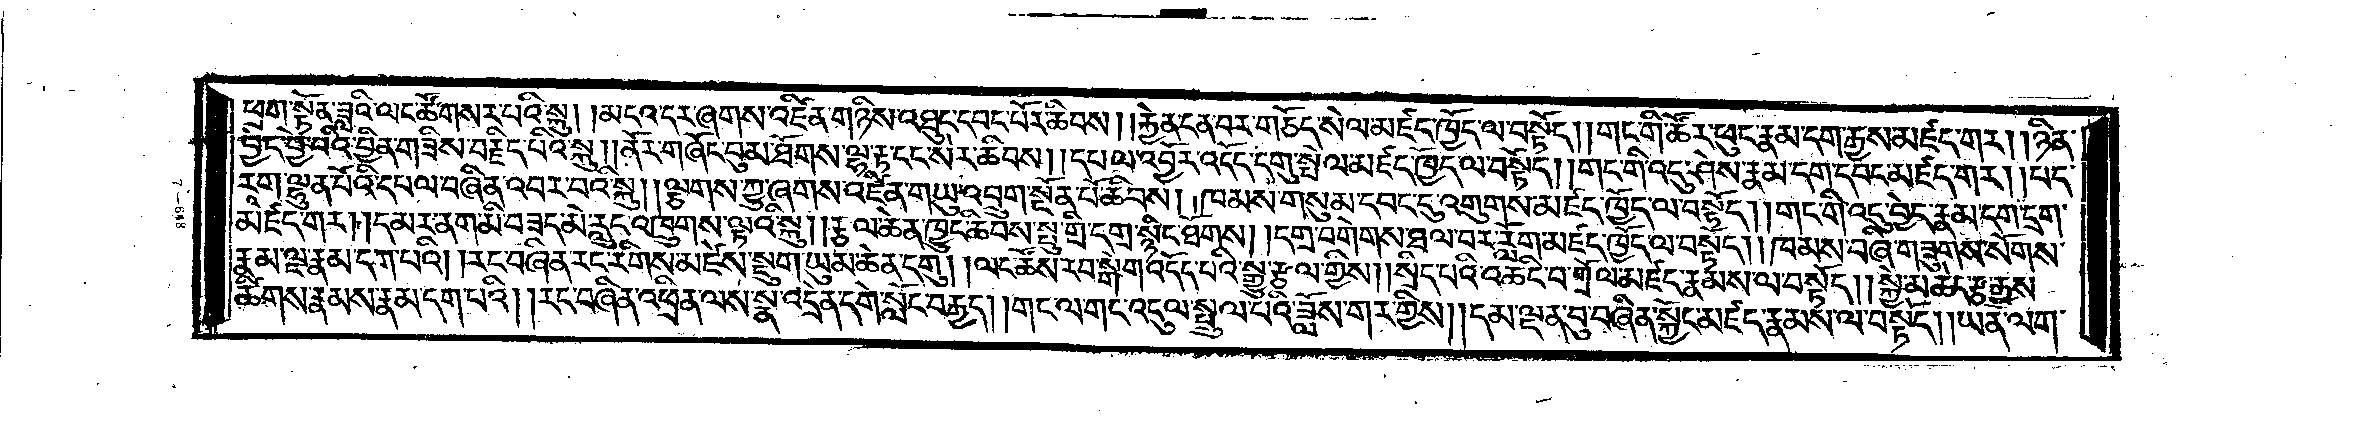ཕྲག་སྟོན་ཟླའི་ལང་ཚོ་གསར་པའི་སྐུ། །མདའ་དར་ཞགས་འཛིན་གཉིས་འཐུང་དབང་པོར་ཆིབས། །རྐྱེན་ངན་པར་གཅོད་སེལ་མཛད་ཁྱོད་ལ་བསྟོད། །གང་གི་ཚོར་ཕུང་རྣམ་དག་རྒྱས་མཛད་གར། །ཉིན་
བྱིད་བྱེ་བའི་བྱིན་གཟིས་བརྗིད་པའི་སྐུ། །ནོར་གཞོད་བུམ་ཐོགས་ལྷ་རྟ་ངང་སེར་ཆིབས། །དཔལ་འབྱོར་འདོད་དགུ་སྤེལ་མཛད་ཁྱོད་ལ་བསྟོད། །གང་གི་འདུ་ཤེས་རྣམ་དག་དབང་མཛད་གར། །པད་
རག་ལྷུན་པོའི་དཔལ་བཞིན་འབར་བའི་སྐུ། །ལྕགས་ཀྱུ་ཞགས་འཛིན་གཡུ་འབྲུག་སྔོན་པོ་ཆིབས། །ཁམས་གསུམ་དབང་དུ་འགུགས་མཛད་ཁྱོད་ལ་བསྟོད། །གང་གི་འདུ་བྱེད་རྣམ་དག་དྲག་
མཛད་གར། །དམར་ནག་མི་བཟད་མི་རླུང་འཁྲུགས་ལྟའི་སྐུ། །རྩལ་ཆེན་ཁྱུང་ཆིབས་སྤུ་གྲི་དགྲ་སྙིང་ཐོགས། །དགྲ་བགེགས་ཐལ་བར་རློག་མཛད་ཁྱོད་ལ་བསྟོད། །ཁམས་བཞི་གཟུགས་སོགས་
རྣམ་ལྔ་རྣམ་དག་པའི། །རང་བཞིན་རང་རིགས་མྲྫེས་སྡུག་ཡུམ་ཆེན་དགུ། །ལང་ཚོས་རབ་སྒེག་འདོད་པའི་སྒྱུ་རྩལ་གྱིས། །སྲིད་པའི་འཆིང་བ་གྲོལ་མཛད་རྣམས་ལ་བསྟོད། །སྐྱེ་མཆེད་རྩ་རྒྱུས་
ཚིགས་རྣམས་རྣམ་དག་པའི། །རང་བཞིན་འཕྲིན་ལས་སྣ་འདྲེན་དགེ་སློང་བརྒྱད། །གང་ལ་གང་འདུལ་སྤྲུལ་པའི་ཟློས་གར་གྱིས། །དམ་ལྡན་པུ་བཞིན་སྐྱོང་མཛད་རྣམས་ལ་བསྟོད། །ཡན་ལག་